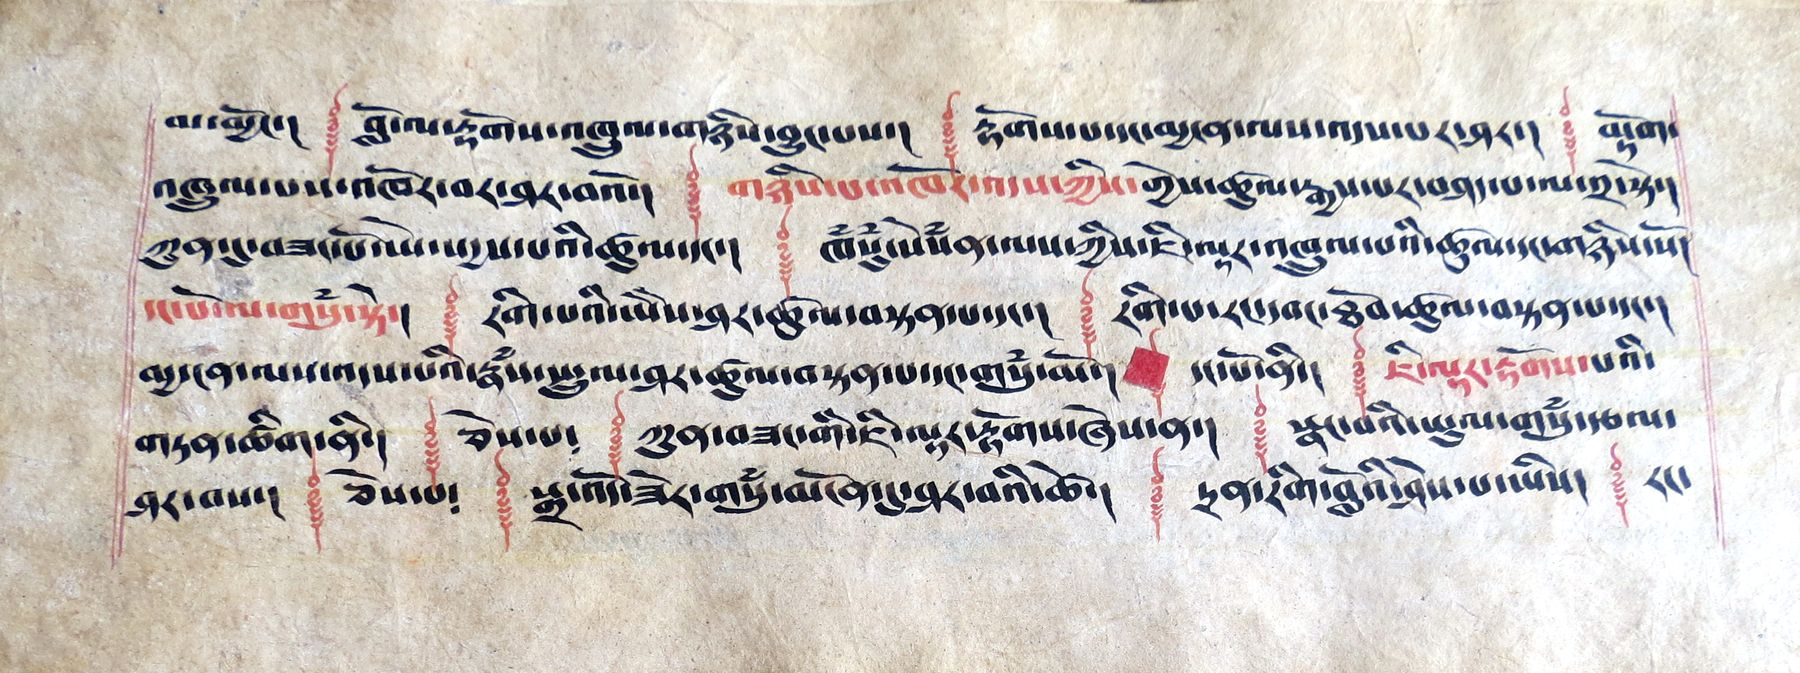མ་མྱོང་། བློ་ལ་རྟོགས་འཁྲུལ་གཉིས་བྱུང་པས། རྟོགས་པས་མྱ་ངན་ལས་འདས་པར་ཤར། མ་རྟོགས་
འཁྲུལ་པས་འཁོར་བར་ཤར་བའོ། །གཉིས་པ་འཁོར་འདས་གྱེས་ཚུལ་རྒྱས་པར་བཤད་པ་ལ་གཉིས་ཏེ། 
ཀུན་ཏུ་བཟང་པོ་ཡེ་སངས་རྒྱས་པའི་ཚུལ་དང་། ཁམས་གསུམ་སེམས་ཅན་ལས་ཀྱིས་ཇི་ལྟར་འཁྲུལ་པའི་ཚུལ་དང་གཉིས་སོ། །
དང་པོ་ལ་གསུམ་སྟེ། རིག་པའི་ཡེ་ཤེས་ཤར་ཚུལ་བསྟན་པ་དང་། རིག་པ་རང་དབང་ཐོབ་ཚུལ་བསྟན་པ་དང་། 
མྱ་ངན་ལས་འདས་པའི་རྣམ་སྤྲུལ་ཤར་ཚུལ་བསྟན་པ་དང་གསུམ་མོ། །དང་པོ་ནི། ཇི་ལྟར་རྟོགས་པའི་
གཏན་ཚིགས་ནི། །ཞེས་པས། ཀུན་བཟང་གིས་ཇི་ལྟར་རྟོགས་ཞེ་ན། སྣང་བའི་ཡུལ་གསུམ་རྩལ་
ཤར་བས། །ཞེས་པས་སྒྲ་འོད་ཟེར་གསུམ་མངོན་དུ་ཤར་བའི་ཚེ། དྲན་རིག་བློ་ཡི་ཤེས་པ་ཡིས། རང་